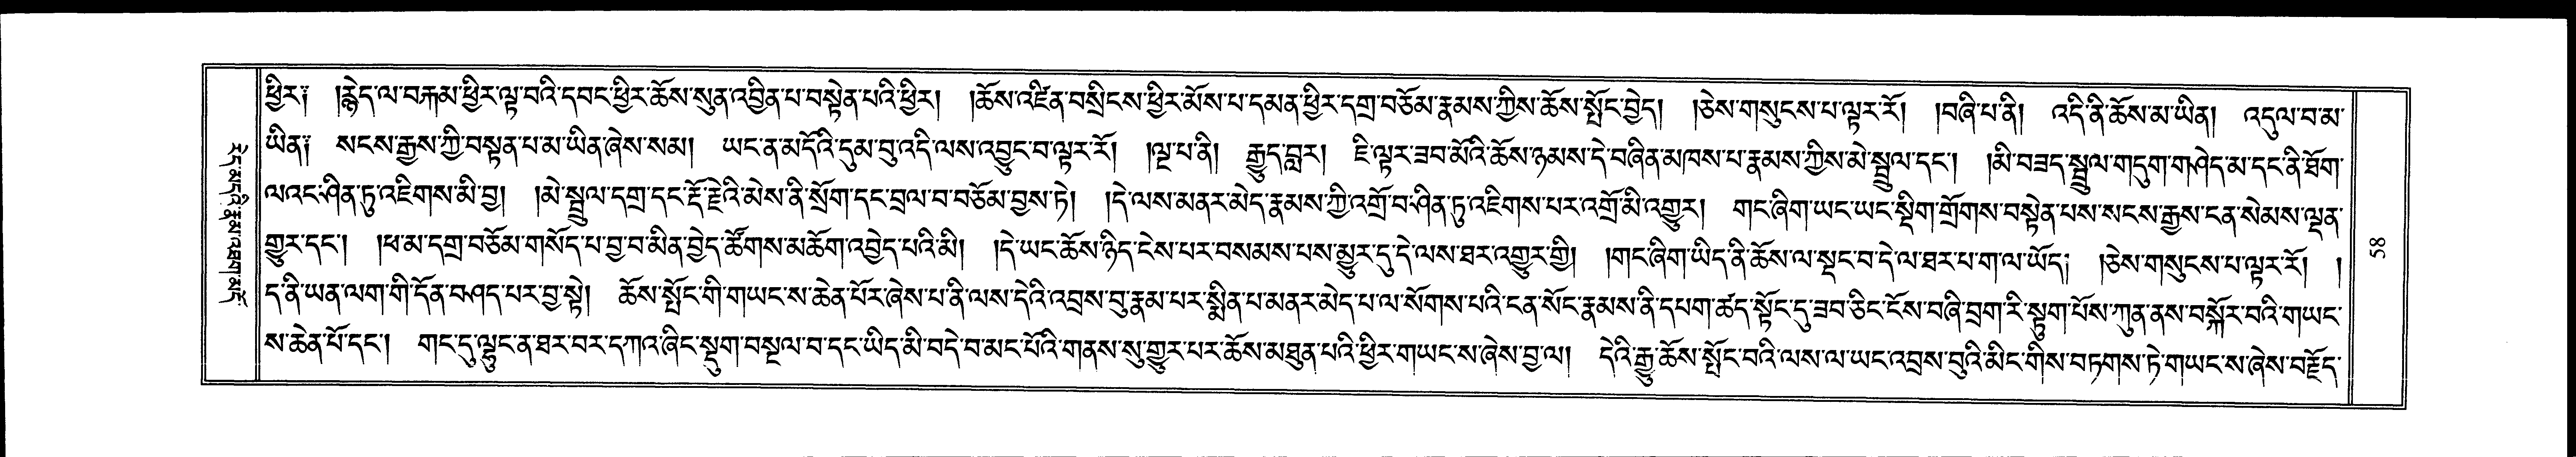ཕྱིར། །རྙེད་ལ་བརྐམ་ཕྱིར་ལྟ་བའི་དབང་ཕྱིར་ཆོས་སུན་འབྱིན་པ་བསྟེན་པའི་ཕྱིར། །ཆོས་འཛིན་བསྲིངས་ཕྱིར་མོས་པ་དམན་ཕྱིར་དགྲ་བཅོམ་རྣམས་ཀྱིས་ཆོས་སྤོང་བྱེད། །ཅེས་གསུངས་པ་ལྟར་རོ། །བཞི་པ་ནི། འདི་ནི་ཆོས་མ་ཡིན། འདུལ་བ་མ་
ཡིན། སངས་རྒྱས་ཀྱི་བསྟན་པ་མ་ཡིན་ཞེས་སམ། ཡང་ན་མདོའི་དུམ་བུ་འདི་ལས་འབྱུང་བ་ལྟར་རོ། །ལྔ་པ་ནི། རྒྱུད་བླར། ཇི་ལྟར་ཟབ་མོའི་ཆོས་ཉམས་དེ་བཞིན་མཁས་པ་རྣམས་ཀྱིས་མེ་སྦྲུལ་དང་། །མི་བཟད་སྦྲུལ་གདུག་གཤེད་མ་དང་ནི་ཐོག་
ལའང་ཤིན་ཏུ་འཇིགས་མི་བྱ། །མེ་སྦྲུལ་དགྲ་དང་རྡོ་རྗེའི་མེས་ནི་སྲོག་དང་བྲལ་བ་བཅོམ་བྱས་ཏེ། །དེ་ལས་མནར་མེད་རྣམས་ཀྱི་འགྲོ་བ་ཤིན་ཏུ་འཇིགས་པར་འགྲོ་མི་འགྱུར། གང་ཞིག་ཡང་ཡང་སྡིག་གྲོགས་བསྟེན་པས་སངས་རྒྱས་ངན་སེམས་ལྡན་
གྱུར་དང་། །ཕ་མ་དགྲ་བཅོམ་གསོད་པ་བྱ་བ་མིན་བྱེད་ཚོགས་མཆོག་འབྱེད་པའི་མི། །དེ་ཡང་ཆོས་ཉིད་ངེས་པར་བསམས་པས་མྱུར་དུ་དེ་ལས་ཐར་འགྱུར་གྱི། །གང་ཞིག་ཡིད་ནི་ཆོས་ལ་སྡང་བ་དེ་ལ་ཐར་པ་ག་ལ་ཡོད། །ཅེས་གསུངས་པ་ལྟར་རོ། །
ད་ནི་ཡན་ལག་གི་དོན་བཤད་པར་བྱ་སྟེ། ཆོས་སྤོང་གི་གཡང་ས་ཆེན་པོར་ཞེས་པ་ནི་ལས་དེའི་འབྲས་བུ་རྣམ་པར་སྨིན་པ་མནར་མེད་པ་ལ་སོགས་པའི་ངན་སོང་རྣམས་ནི་དཔག་ཚད་སྟོང་དུ་ཟབ་ཅིང་ངོས་བཞི་བྲག་རི་སྟུག་པོས་ཀུན་ནས་བསྐོར་བའི་གཡང་
ས་ཆེན་པོ་དང་། གང་དུ་ལྷུང་ན་ཐར་བར་དཀའ་ཞིང་སྡུག་བསྔལ་བ་དང་ཡིད་མི་བདེ་བ་མང་པོའི་གནས་སུ་གྱུར་པར་ཆོས་མཐུན་པའི་ཕྱིར་གཡང་ས་ཞེས་བྱ་ལ། དེའི་རྒྱུ་ཆོས་སྤོང་བའི་ལས་ལ་ཡང་འབྲས་བུའི་མིང་གིས་བཏགས་ཏེ་གཡང་ས་ཞེས་བརྗོད་